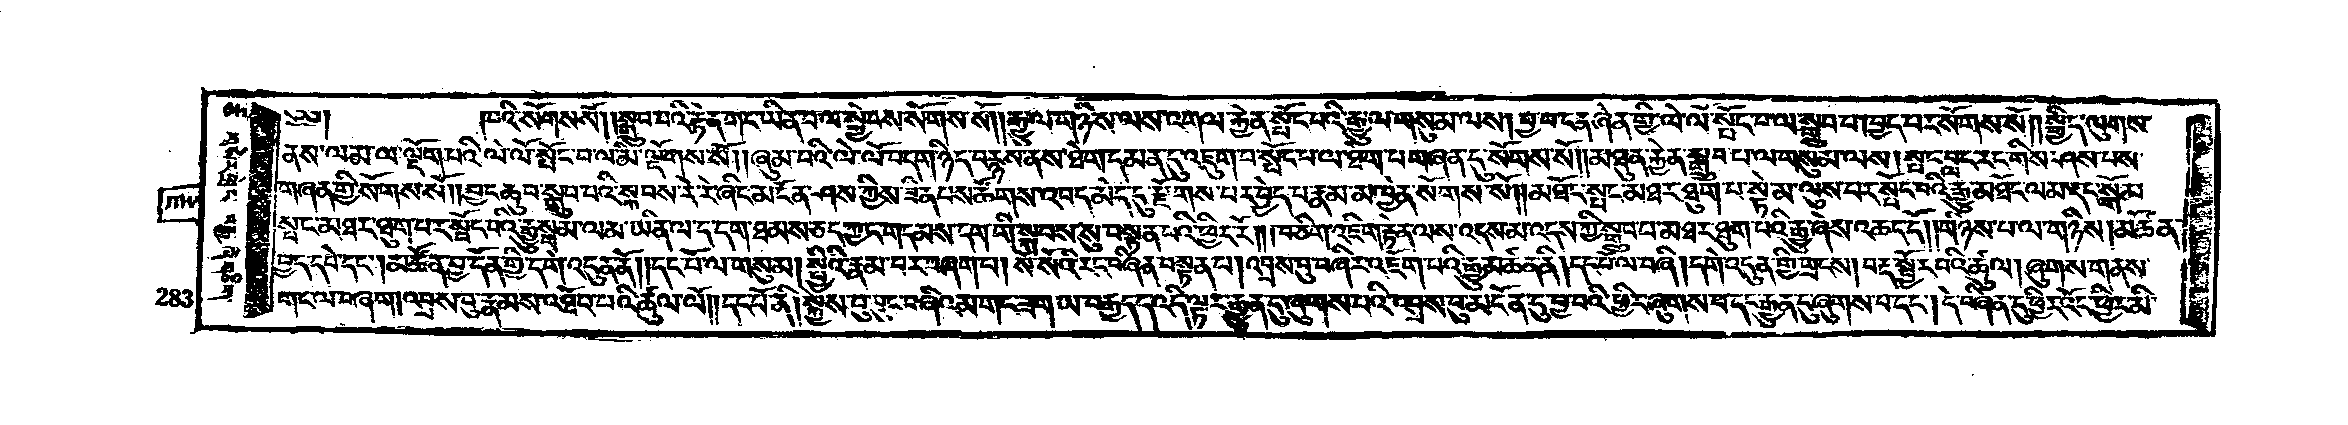༄༅། །བའི་སོགས་སོ། །སྒྲུབ་པའི་རྟེན་གང་ཡིན་པ་ལ་སྐྱབས་སོགས་སོ། །རྒྱུ་ལ་གཉིས་ལས་འགལ་རྐྱེན་སྤོང་བའི་རྒྱུ་ལ་གསུམ་ལས། བྱ་བ་ངན་ཞེན་གྱི་ལེ་ལོ་སྤོང་བ་ལ་སྒྲུབ་པ་ཁྱད་པར་སོགས་སོ། །སྒྱིད་ལུགས་
ནས་ལམ་ལ་ལྡོག་པའི་ལེ་ལོ་སྤོང་བ་ལ་མི་ལྡོགས་སོ། །ཞུམ་པའི་ལེ་ལོ་བདག་ཉིད་བརྙས་ནས་ཐེག་དམན་དུ་འཇུག་པ་སྤོང་པ་ལ་ཐེག་པ་གཞན་དུ་སོགས་སོ། །མཐུན་རྐྱན་སྒྲུབ་པ་ལ་གསུམ་ལས། སྤང་བླང་རང་གིས་ཤས་པས་
གཞན་གྱི་སོགས་སོ། །བྱང་ཆུབ་སྒྲུབ་པའི་སྐབས་རེ་རེ་ཞིང་མངོན་ཤེས་ཀྱིས་ཟིན་པས་ཚོགས་འབད་མེད་དུ་རྫོགས་པར་བྱེད་པ་རྣམ་མཁྱེན་སོགས་སོ། །མཐོང་སྤང་མཐར་ཐུག་པ་སྟེ་མ་ལུས་པར་སྤོང་བའི་རྒྱུ་མཐོང་ལམ་དང་སྒོམ་
སྤང་མཐར་ཐུག་པར་སྤོང་བའི་རྒྱུ་སྒོམ་ལམ་ཡིན་ལ་དེ་དག་ཐམས་ཅད་ཀྱང་གདམས་ངག་གི་སྐབས་སུ་བསྟན་པའི་ཕྱིར་རོ། །ཁ་ཅིག་འཇིག་རྟེན་ལས་འདས་མ་འདས་ཀྱི་སྒྲུབ་པ་མཐར་ཐུག་པའི་རྒྱུ་ཞེས་འཆད་དོ། །གཉིས་པ་ལ་གཉིས། མཚོན་
བྱད་དཔེ་དང་། མཚོན་བྱ་དོན་གྱི་དགེ་འདུན་ནོ། །དང་པོ་ལ་གསུམ། སྤྱིའི་རྣམ་པར་བཞག་པ། སོ་སོའི་རང་བཞིན་བསྟན་པ། འབྲས་བུ་བཞིར་འཇོག་པའི་རྒྱུ་མཚན་ནི། དང་པོ་ལ་བཞི། དགེ་འདུན་གྱི་གྲངས། བརྡ་སྦྱོར་བའི་ཚུལ། ཞུགས་གནས་
གང་ལ་བཞག །འབྲས་བུ་རྣམས་འཐོབ་པའི་ཚུལ་ལོ། །དང་པོ་ནི། སྐྱེས་བུ་ཟུང་བཞིའམ་གང་ཟག་ཡ་བརྒྱད་དེ་འདི་ལྟར་རྒྱུན་དུ་ཞུགས་པའི་འབྲས་བུ་མངོན་དུ་བྱ་བའི་ཕྱིར་ཞུགས་པ་དང་རྒྱུན་དུ་ཞུགས་པ་དང་། དེ་བཞིན་དུ་ཕྱིར་འོང་ཕྱིར་མི་